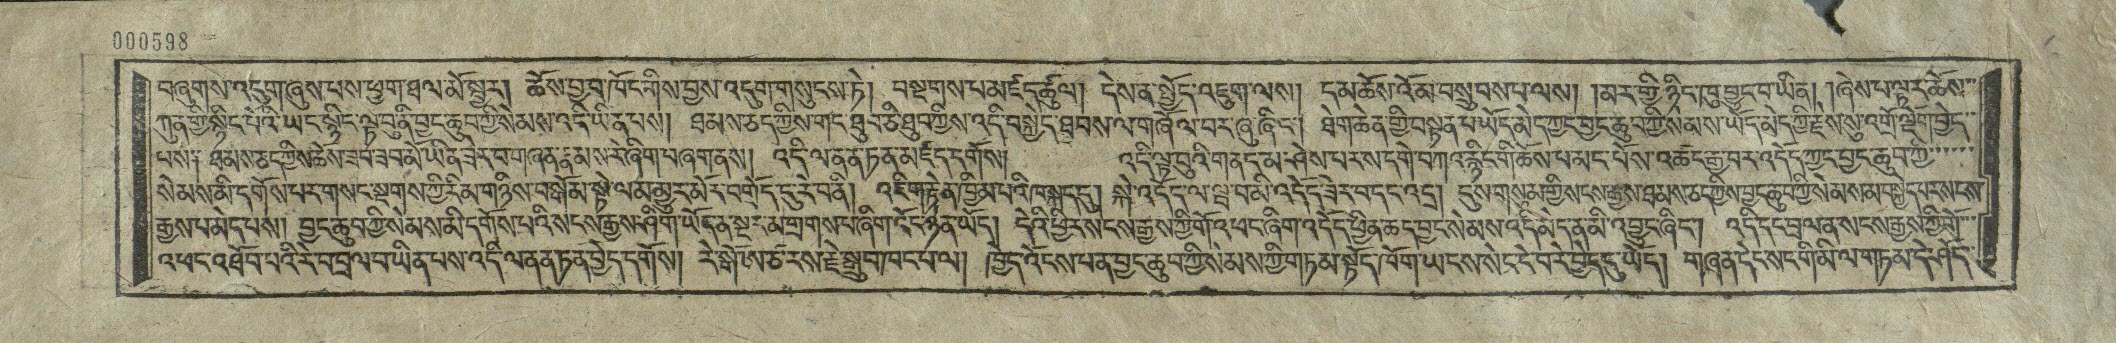བཞུགས་འདུག་ཞུས་པས་ཕྱག་ཐལ་མོ་སྦྱར། ཆོས་བྱ་བ་ཁོང་གིས་བྱས་འདུག་གསུངས་ཏེ། བསྔགས་པ་མཛད་ཚུལ། དེས་ན་སྤྱོད་འཇུག་ལས། དམ་ཆོས་འོ་མ་བསྲུབས་པ་ལས། །མར་གྱི་ཉིང་ཁུ་བྱུང་བ་ཡིན། །ཞེས་པ་ལྟར་ཆོས་
ཀུན་གྱི་སྙིང་པོའི་ཡང་སྙིང་ལྟ་བུ་ནི་བྱང་ཆུབ་ཀྱི་སེམས་འདི་ཡིན་པས། ཐམས་ཅད་ཀྱིས་གང་ཐུབ་ཅི་ཐུབ་ཀྱིས་འདི་བསྐྱེད་ཐབས་ལ་གཞོལ་བར་ཞུ་ཞིང་། ཐེག་ཆེན་གྱི་བསྟན་པ་ཡོད་མེད་ཀྱང་བྱང་ཆུབ་ཀྱི་སེམས་ཡོད་མེད་ཀྱི་རྗེས་སུ་འགྲོ་ལྡོག་བྱེད་
པས༑ ཐམས་ཅད་ཀྱིས་ཆོས་ཟབ་ཟབ་མོ་ཡིན་ཟེར་བ་གཞན་རྣམས་རེ་ཞིག་བཞག་ནས། འདི་ལ་ནན་ཏན་མཛད་དགོས། འདི་ལྟ་བུའི་གནད་མ་ཤེས་པར་ས་དགེ་བཀའ་རྙིང་གི་ཆོས་པ་མང་པོས་འཚང་རྒྱ་བར་འདོད་ཀྱང་བྱང་ཆུབ་ཀྱི་
སེམས་མི་དགོས་པར་གསང་སྔགས་ཀྱི་རིམ་གཉིས་བསྒོམ་སྟེ་ལམ་མྱུར་མོར་བགྲོད་དུ་རེ་བ་ནི། འཇིག་རྟེན་ཁྱིམ་པའི་ཁ་སྐད་དུ། སྐེ་འདོད་ལ་ལྦ་བ་མི་འདོད་ཟེར་བ་དང་འདྲ། དུས་གསུམ་གྱི་སངས་རྒྱས་ཐམས་ཅད་ཀྱིས་བྱང་ཆུབ་ཀྱི་སེམས་མ་བསྐྱེད་པར་སངས་
རྒྱས་པ་མེད་པས། བྱང་ཆུབ་ཀྱི་སེམས་མི་དགོས་པའི་སངས་རྒྱས་ཤིག་ཡོད་ན་སྔར་མ་གྲགས་པ་ཞིག་འོང་ཉེན་ཡོད། དེའི་ཕྱིར་སངས་རྒྱས་ཀྱི་གོ་འཕང་ཞིག་འདོད་ཕྱིན་ཆད་བྱང་སེམས་འདི་མེད་ན་མི་འབྱུང་ཞིང་། འདི་དང་བྲལ་ན་སངས་རྒྱས་ཀྱི་གོ་
འཕང་འཐོབ་པའི་རེ་བ་བྲལ་བ་ཡིན་པས་འདི་ལ་ནན་ཏན་བྱེད་དགོས། རེ་སྒོ་ཨ་ཙ་རས་རྗེ་སྒྲུབ་ཁང་པ་ལ། ཁྱེད་འོངས་པ་ན་བྱང་ཆུབ་ཀྱི་སེམས་ཀྱི་གཏམ་སྟོད་ཁོག་ཡངས་སེང་ངེ་བ་རེ་བྱེད་དུ་ཡོད། གཞན་དེང་སང་གི་མི་ལ་གཏམ་དེ་ཤོད་